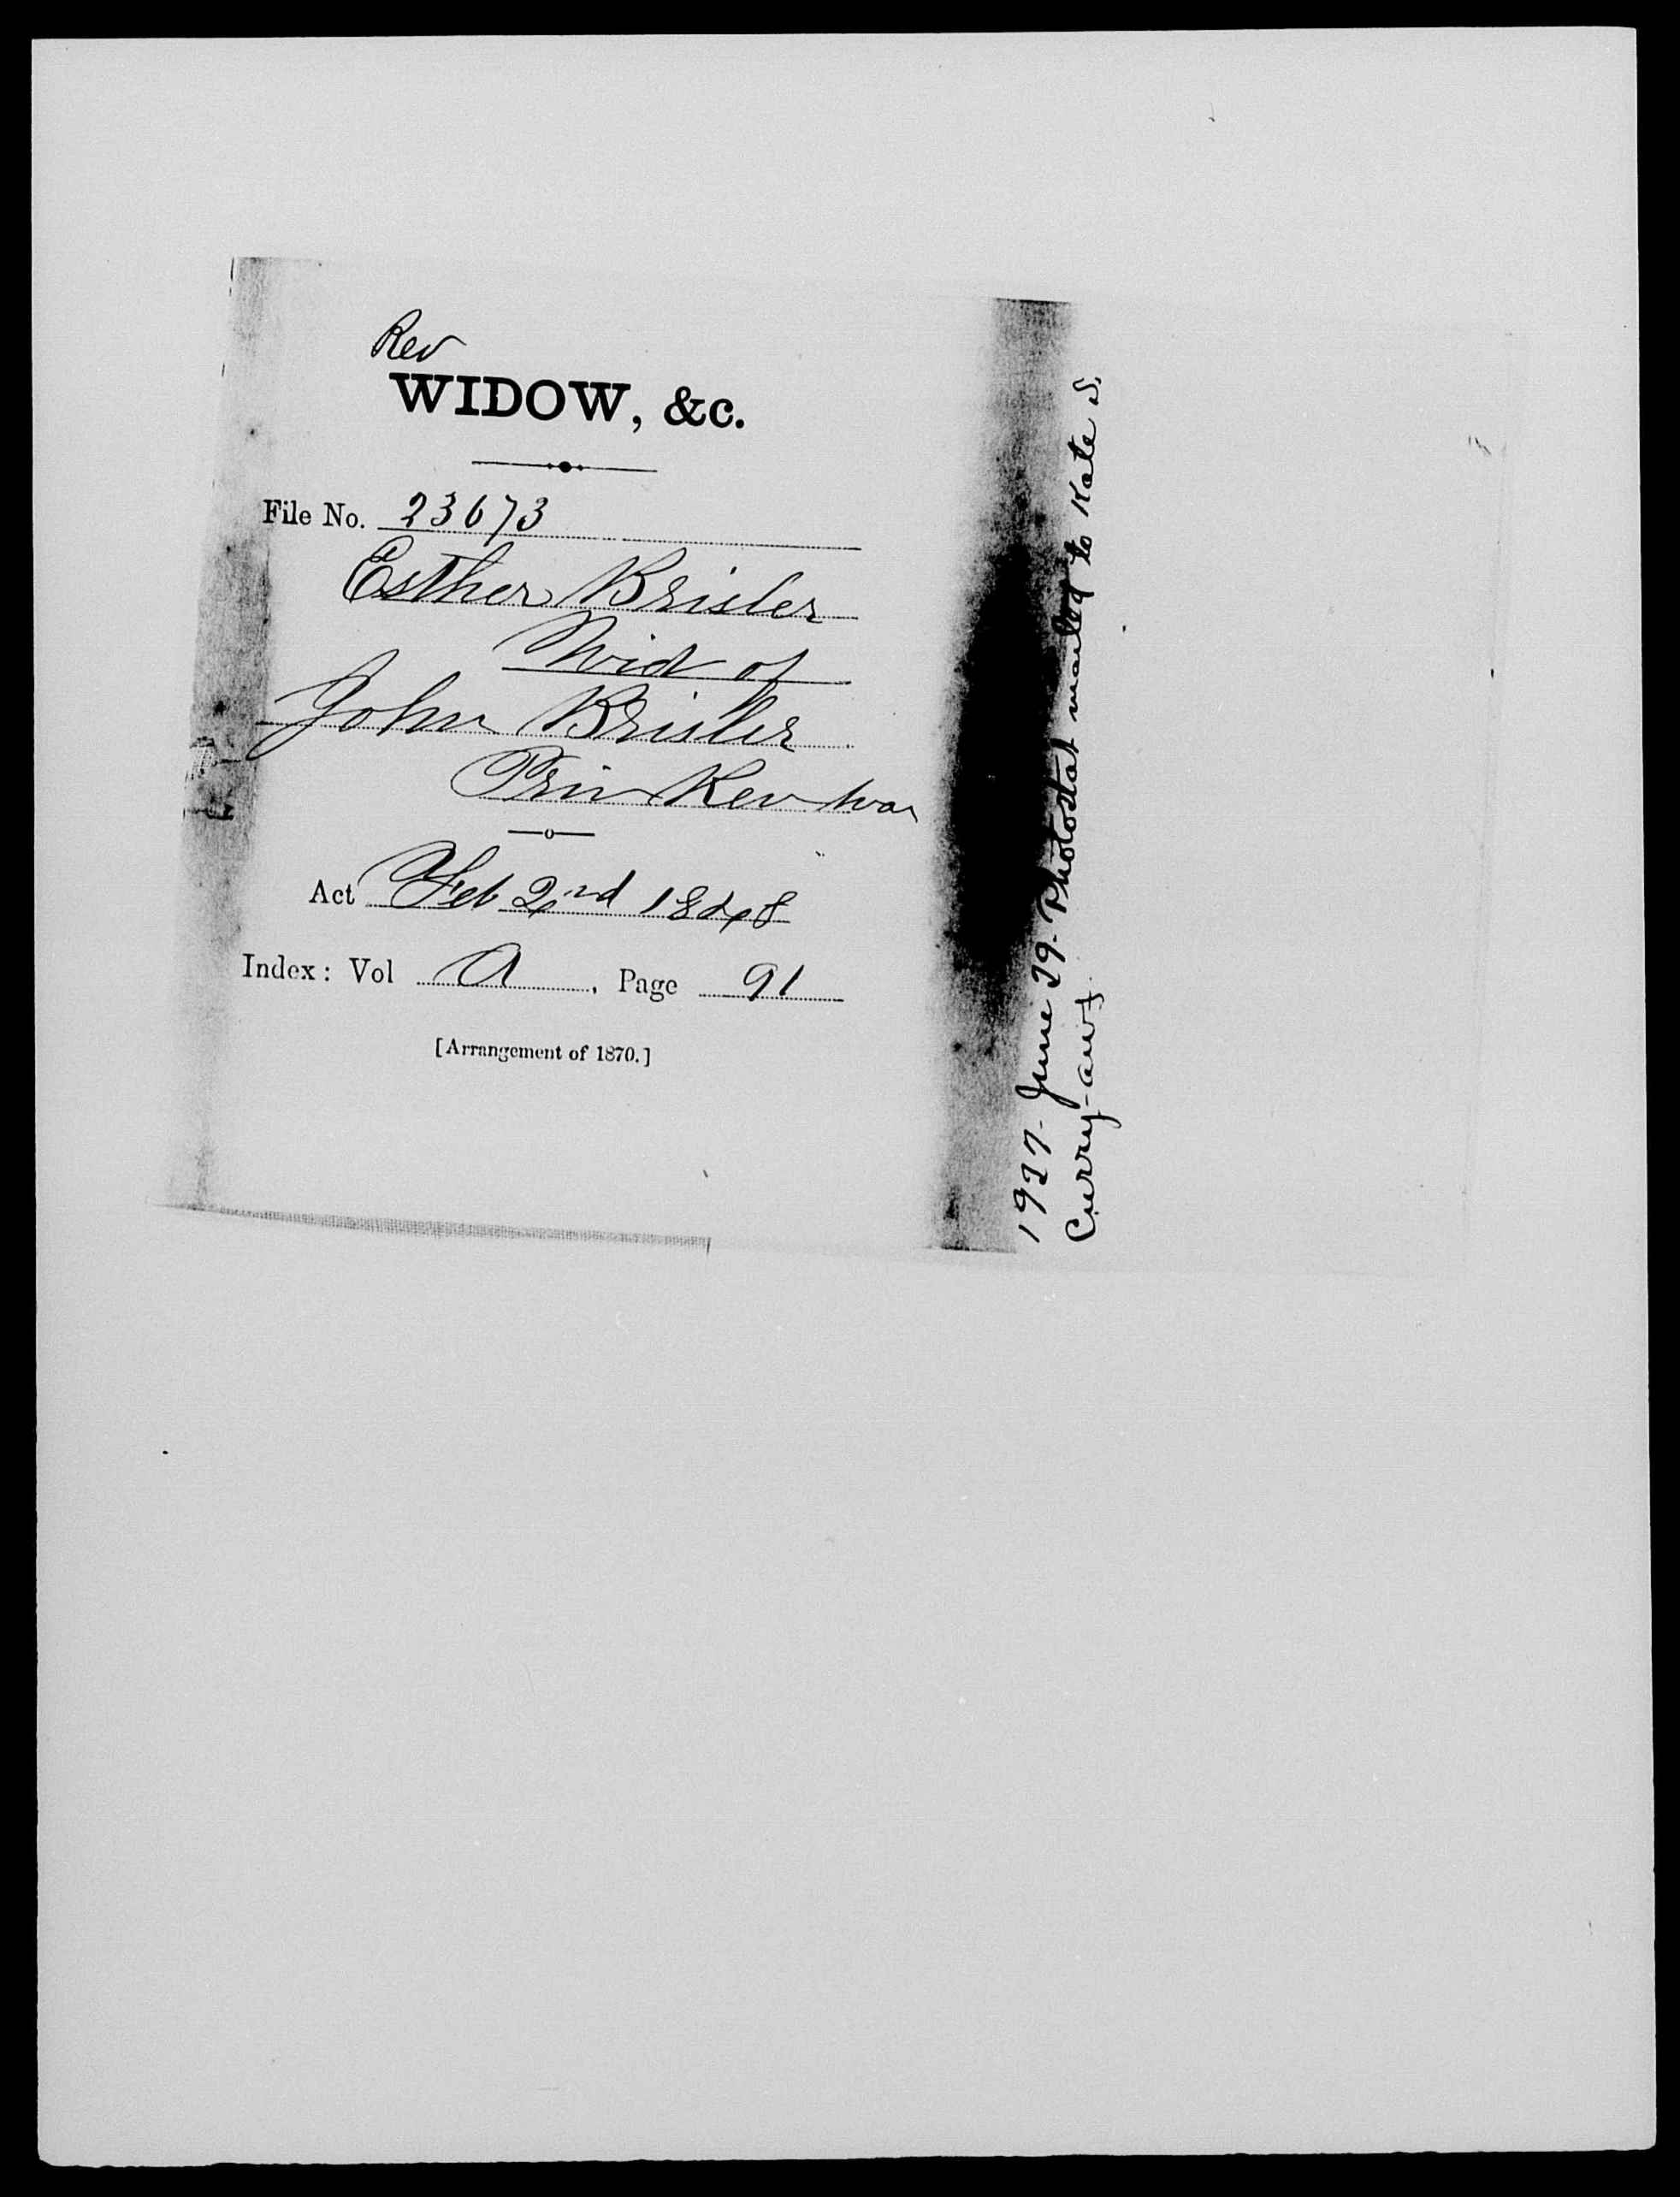Rev WIDOW, &c.
File no. 23673
Esther Brisler 
Wid of John Brisler 
Priv Rev War
At Feb 2nd, 1848
Index: Vol A , page 91 
Arrangement of 1870

1927 June 29 Photostat mailed to Kate S. Curry-Awf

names: Esther Brisler, John Brisler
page: 15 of 46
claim: widow's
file: W. 23,673, John Brisler, Mass.